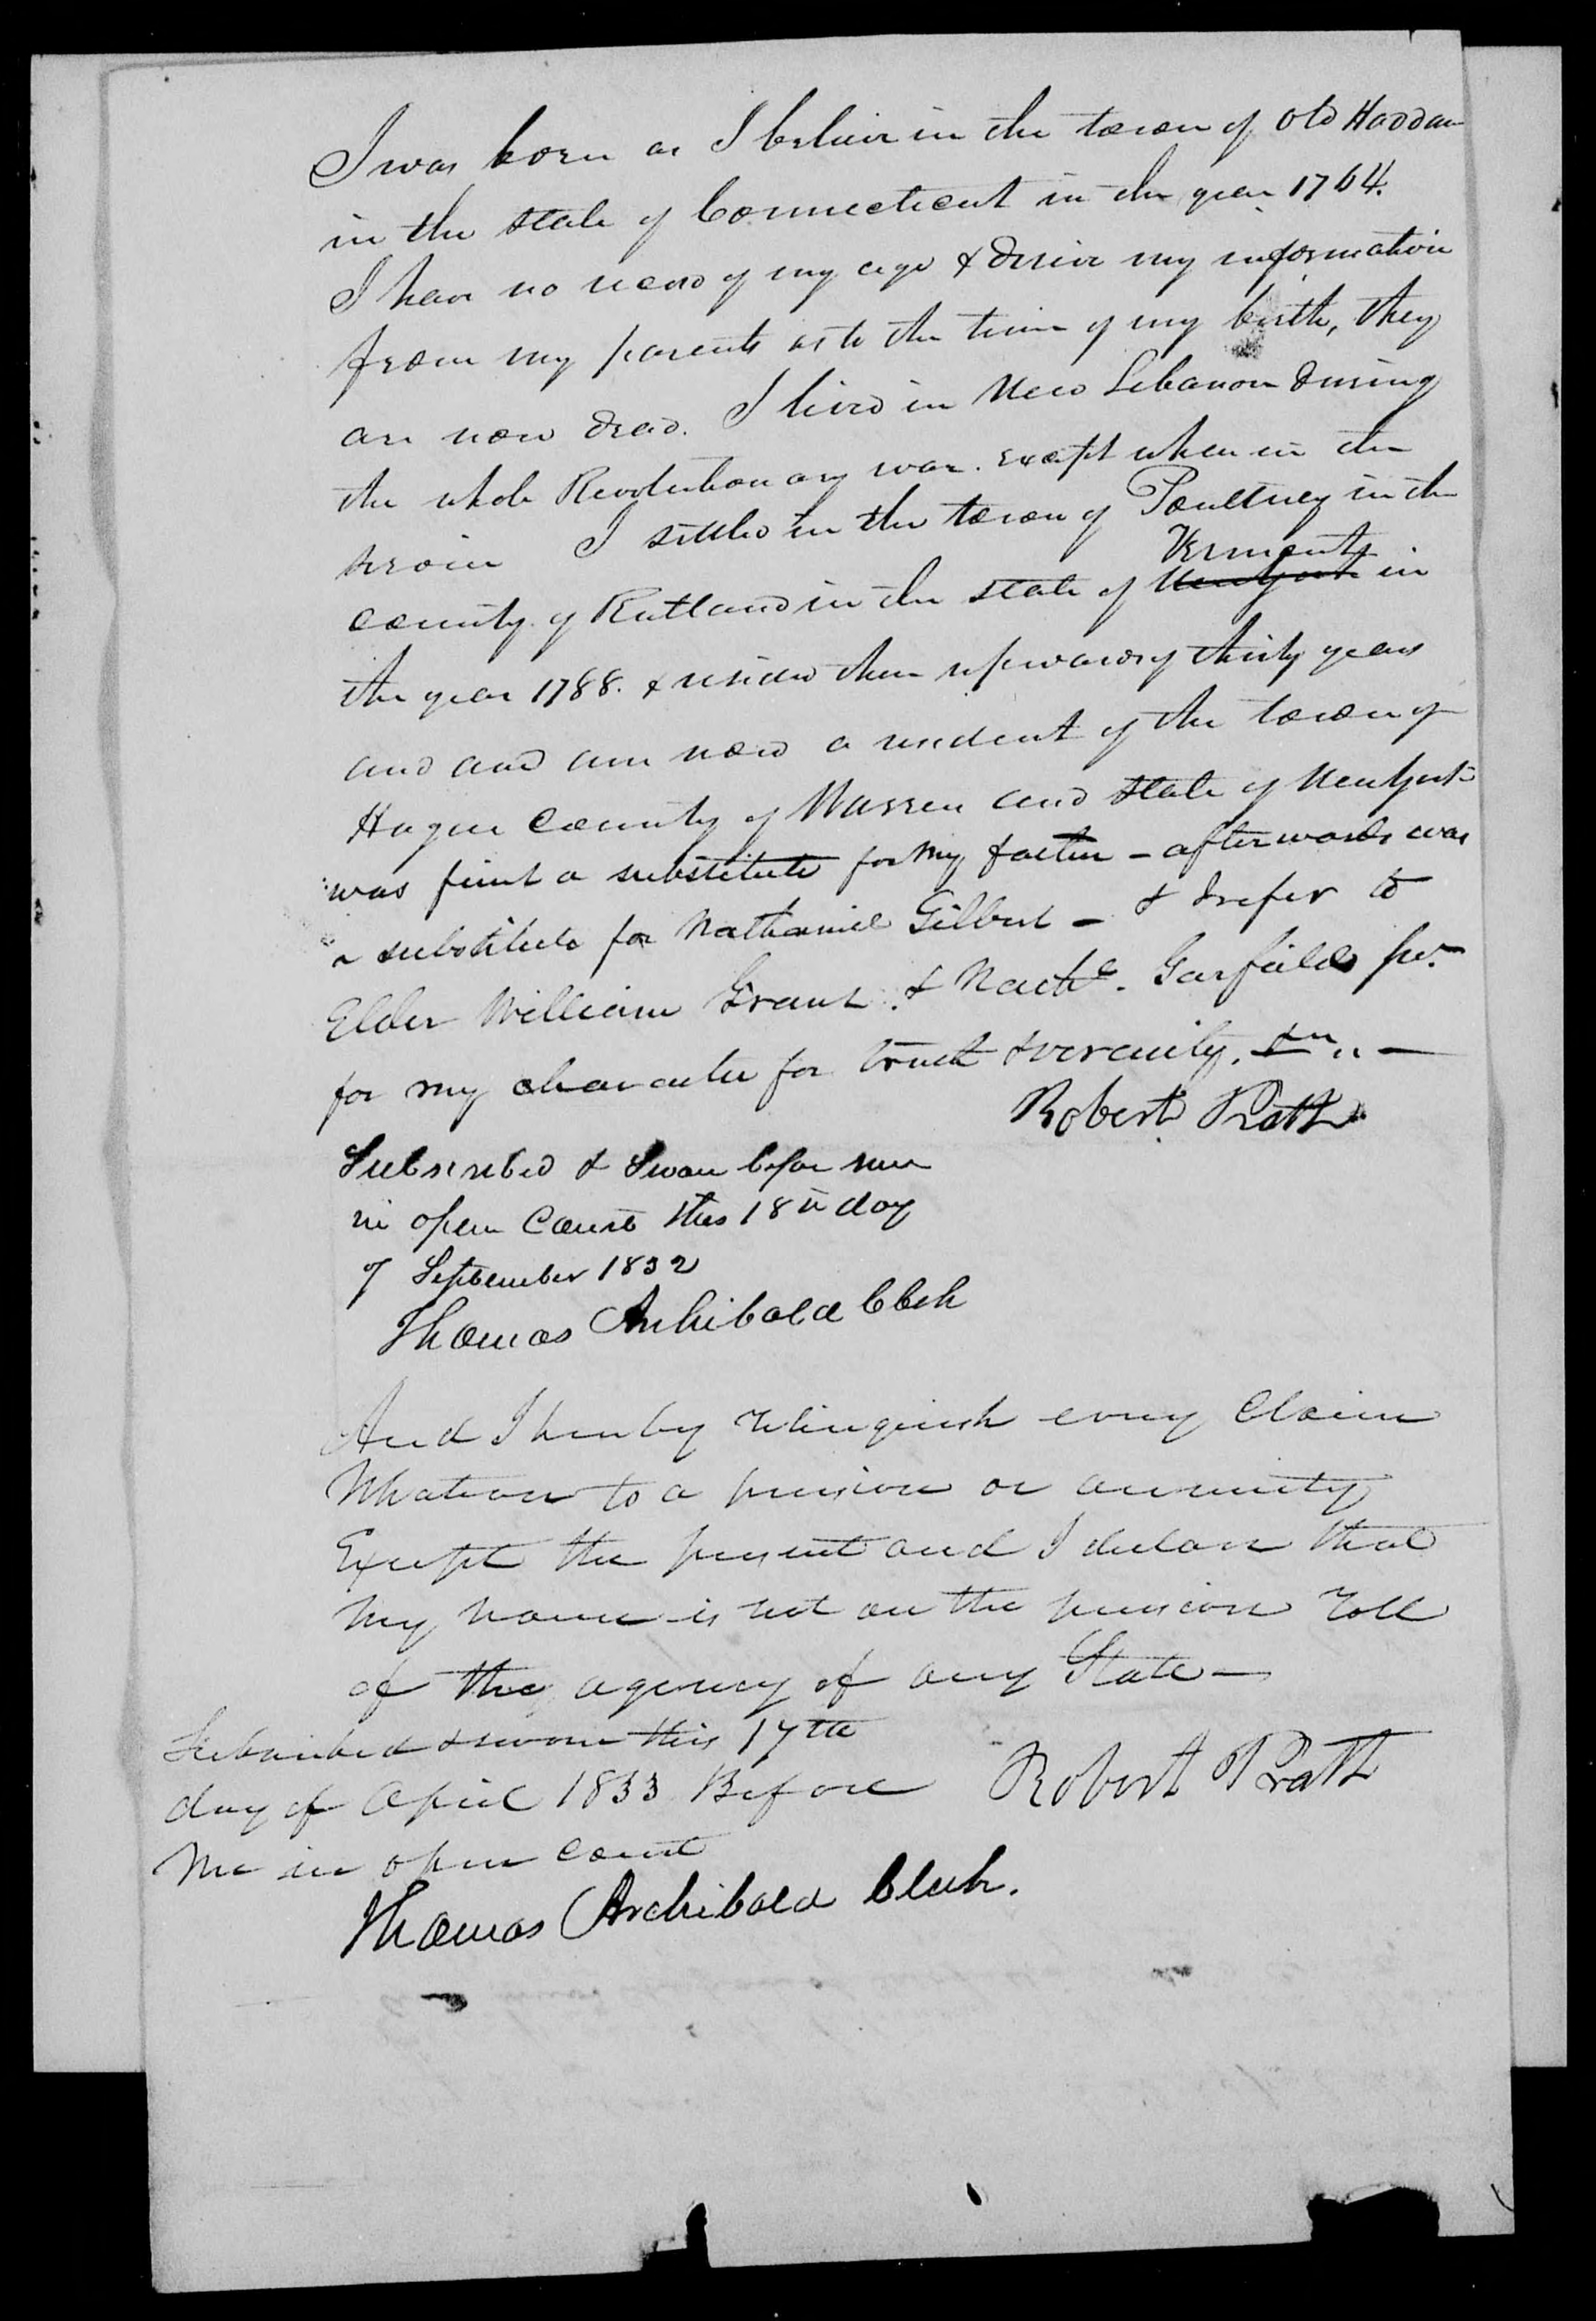I was born as I believe in the town of Old Haddam in the State of Connecticut in the year 1764. I have no record of my age & derive my information from my parents as to the time of my birth, they are now dead. I lived in New Lebanon during the whole Revolutionary war, except when in the service.  I settled in the town of Poultney in the County of Rutland in the State of in Vermont in the year 1788 & resided there upwards of thirty years and I am now a resident of the town of Hague County of Warren and State of New York.
I was first a substitute for my father - afterwards was a substitute for Nathaniel Gilbert & refer to Elder William Grant & Nath'l Garfield for my character for truth & veracity &c.
[signed] Robert Pratt
Subscribed & Sworn before me
in open Court this 18th day
of September 1832
Thomas Archibald Clerk

And I hereby relinquish every claim
Whatever to a pension or annuity
Except the present and I declare that
my name is not on the pension roll
of the agency of any State-
[signed] Robert Pratt
Subscribed & sworn this 17th
day of April 1833 Before me in open Court
Thomas Archibald Clerk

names: Nathaniel Gilbert; Nathl Garfield; Elder William Grant; Thomas Archibald; Robert Pratt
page: 10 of 23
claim: survivor's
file: S. 14,229, for Robert Pratt, New York